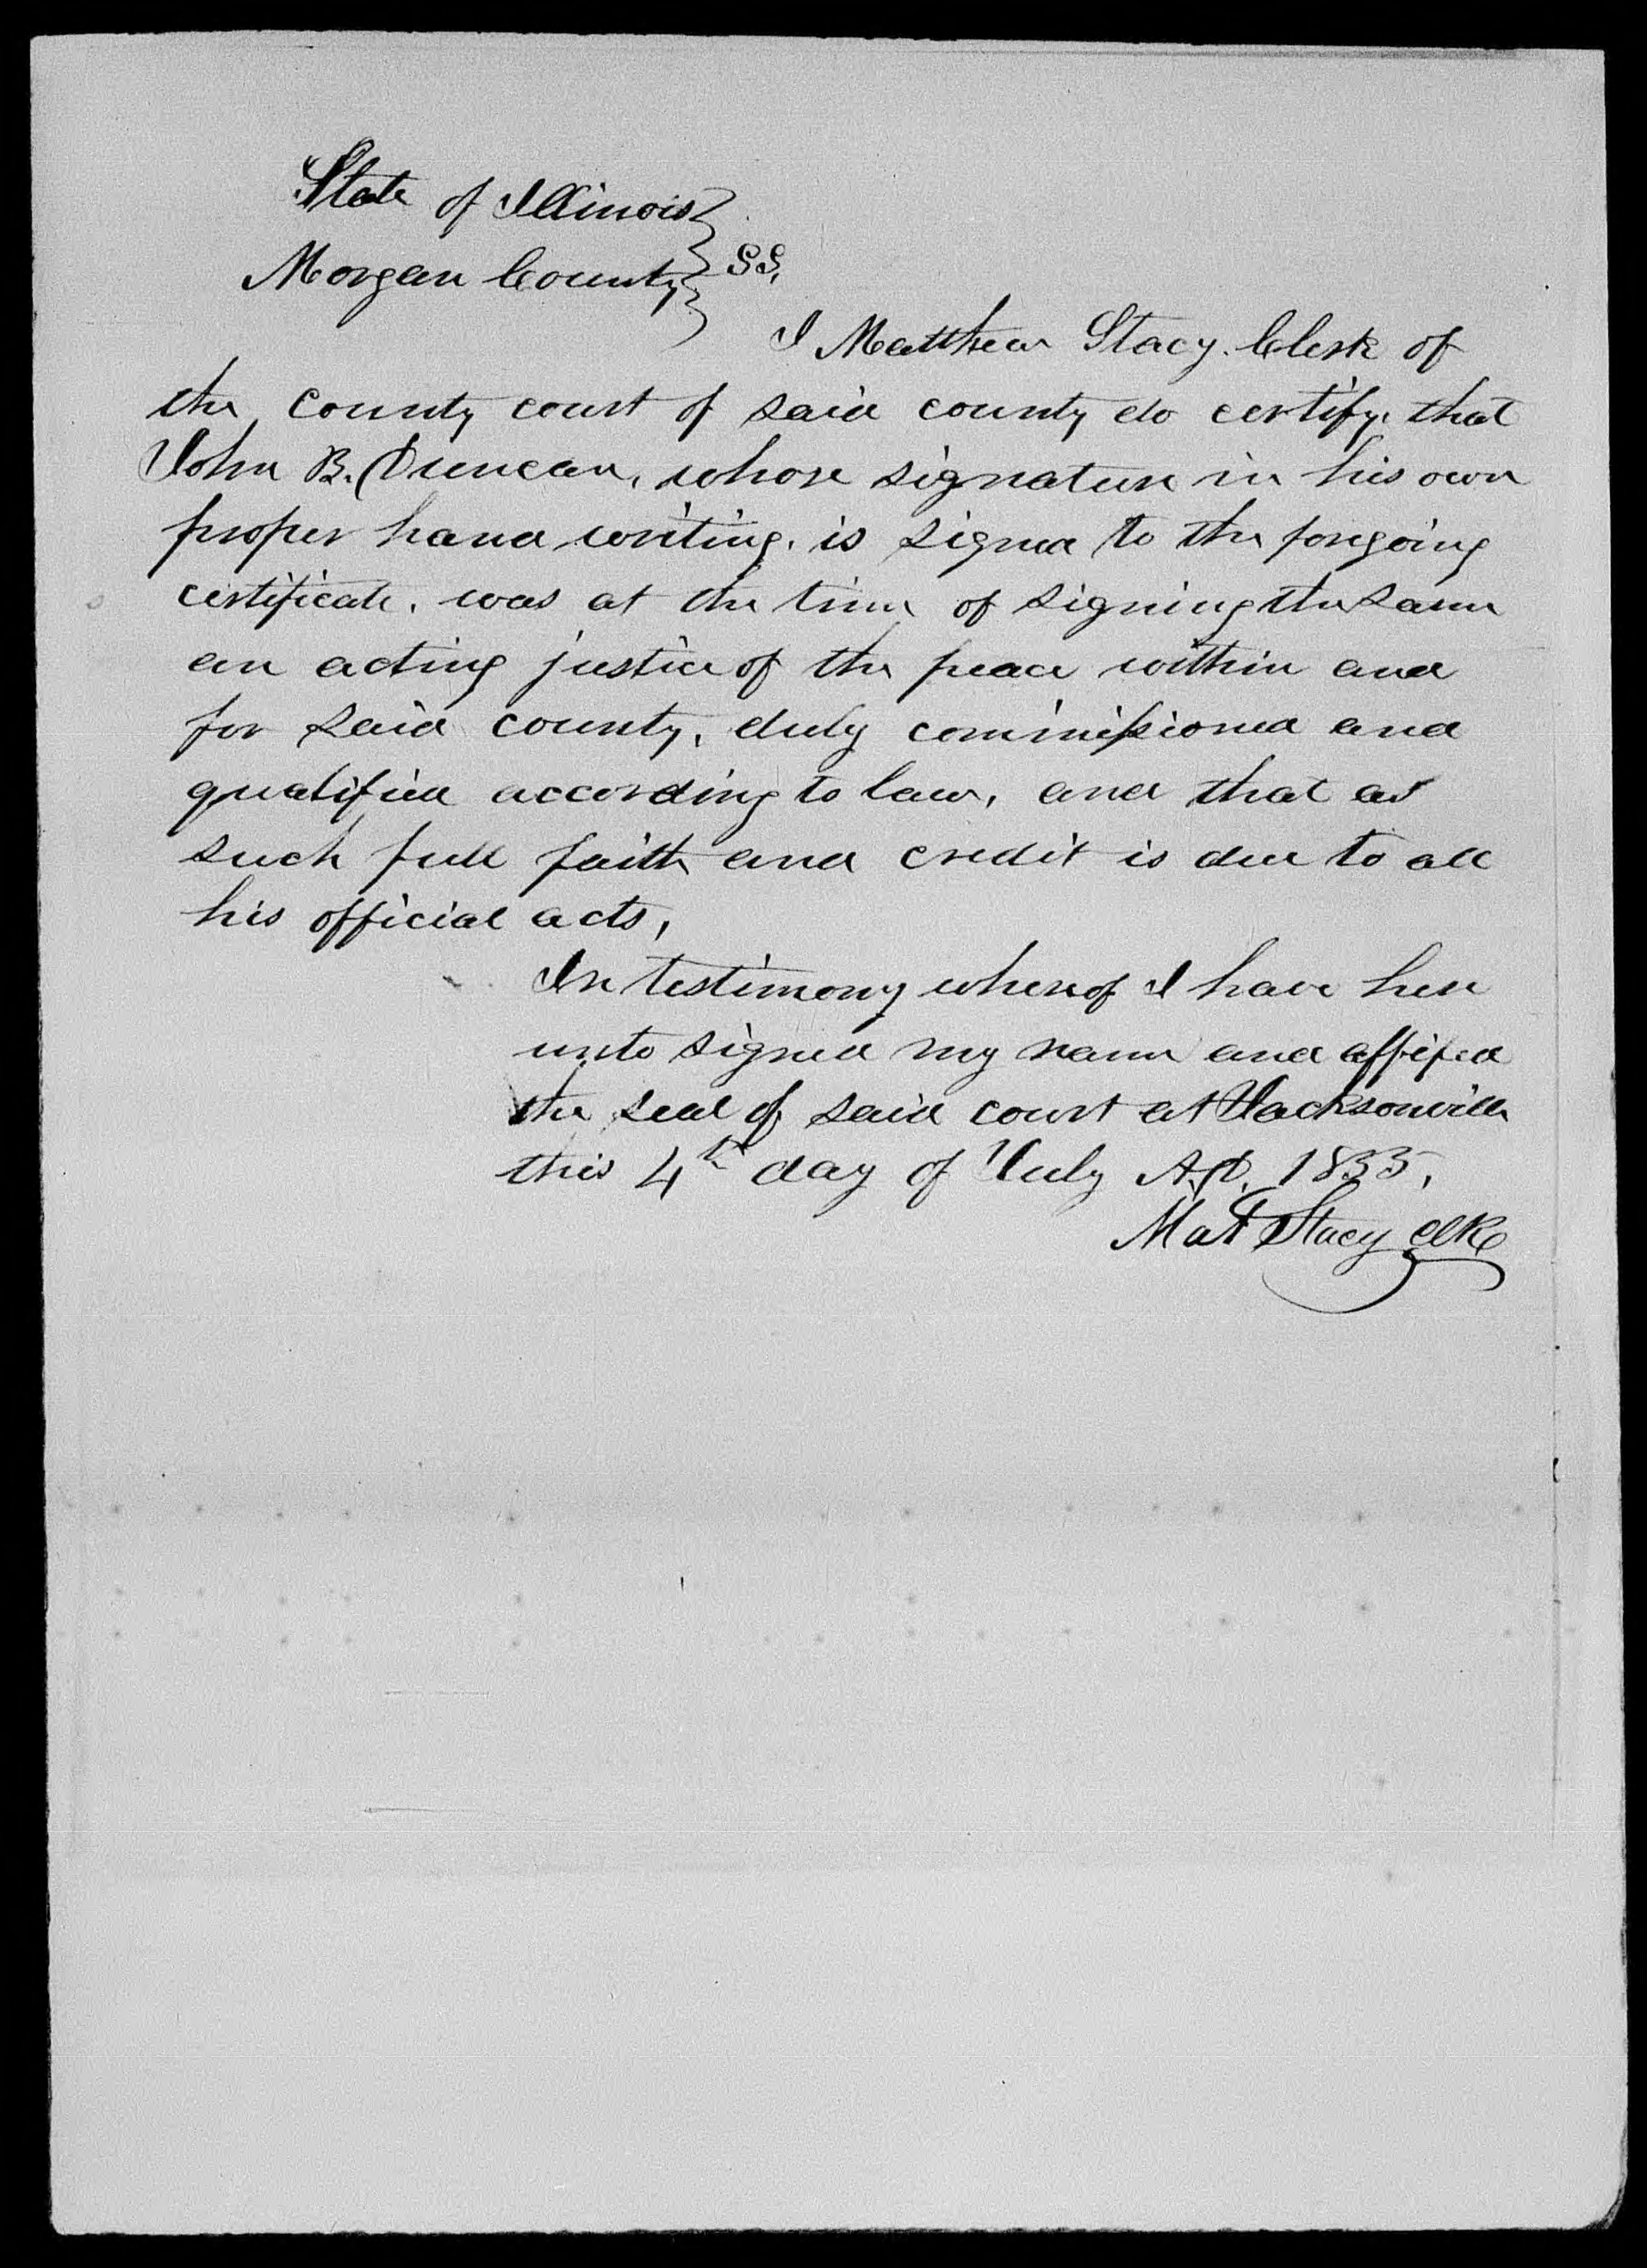State of Illinois 
Morgan County ⎬
I Matthew Stacy Clerk of
the County Court of said County do certify that
John B. Duncan, whose signature in his own
proper hand writing is signed to the foregoing
certificate, was at the time of signing the same
an acting justice of the peace within and
for said County duly commissioned and
qualified according to law, and that as
such full faith and credit is due to all
his official acts,
In testimony whereof I have here
unto signed my name and affixed
the seal of said Court at Jacksonville
this 4th day of July A.D. 1835
Mat Stacy Clk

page: 18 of 56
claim: rejected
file: R 5529, for Samuel Jackson, Virginia